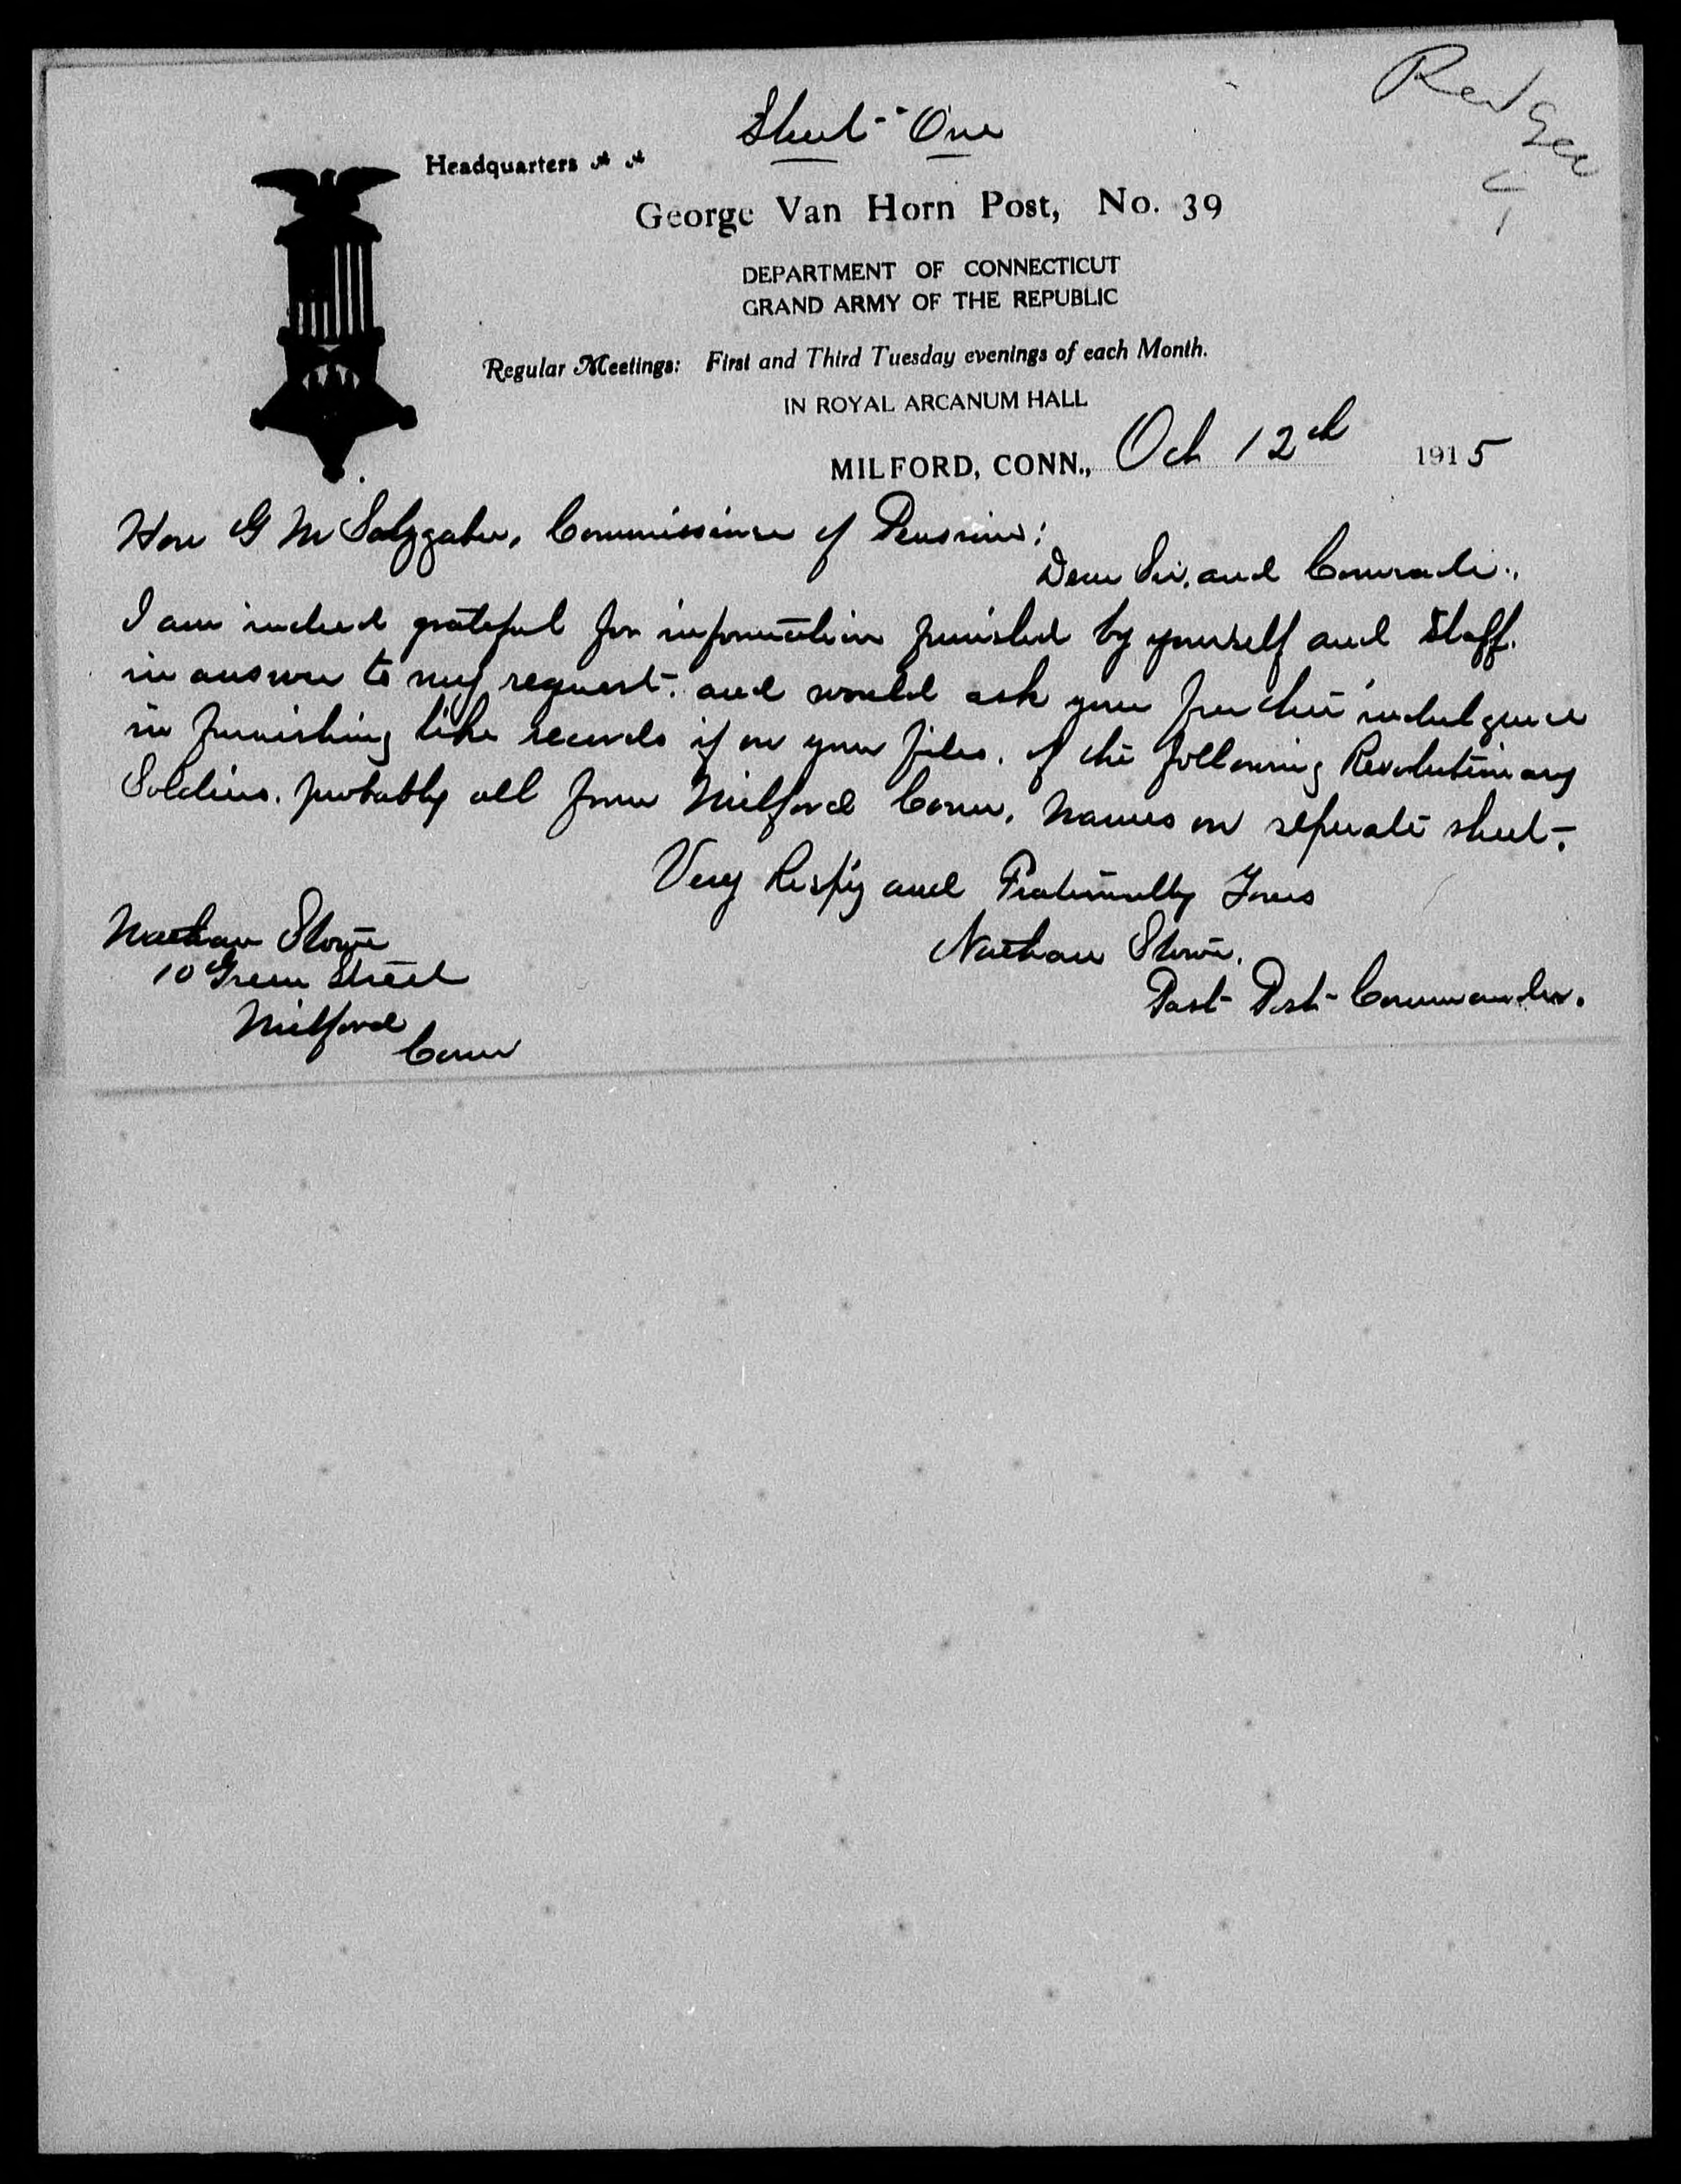Sheet One
Headquarters
George Van Horn Post, No. 39  Rev. Ser.

DEPARTMENT OF CONNECTICUT
GRAND ARMY OF THE REPUBLIC
Regular Meetings;
First and Third Tuesday evenings of each Month
IN ROYAL ARCANUM HALL
MILFORD, CONN, Oct 12th 1915

Hon G M Salzgaber,
Commissioner of Pensions:
Dear Sir, and Comrade,
I am indeed grateful for information furnished by yourself and staff in answer to my request, and would ask your further indulgence
in furnishing like records if in your files of the following Revolutionary Soldiers, probably all from Milford Conn. names on separate sheet.-
Very Resp'y and Fraternally Yours
Nathan Stowe
Past First-Commander
Nathan Stowe
10 Green Street
Milford Conn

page: 11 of 42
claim: survivor's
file: S. 36,819, for Samuel Stow, Connecticut